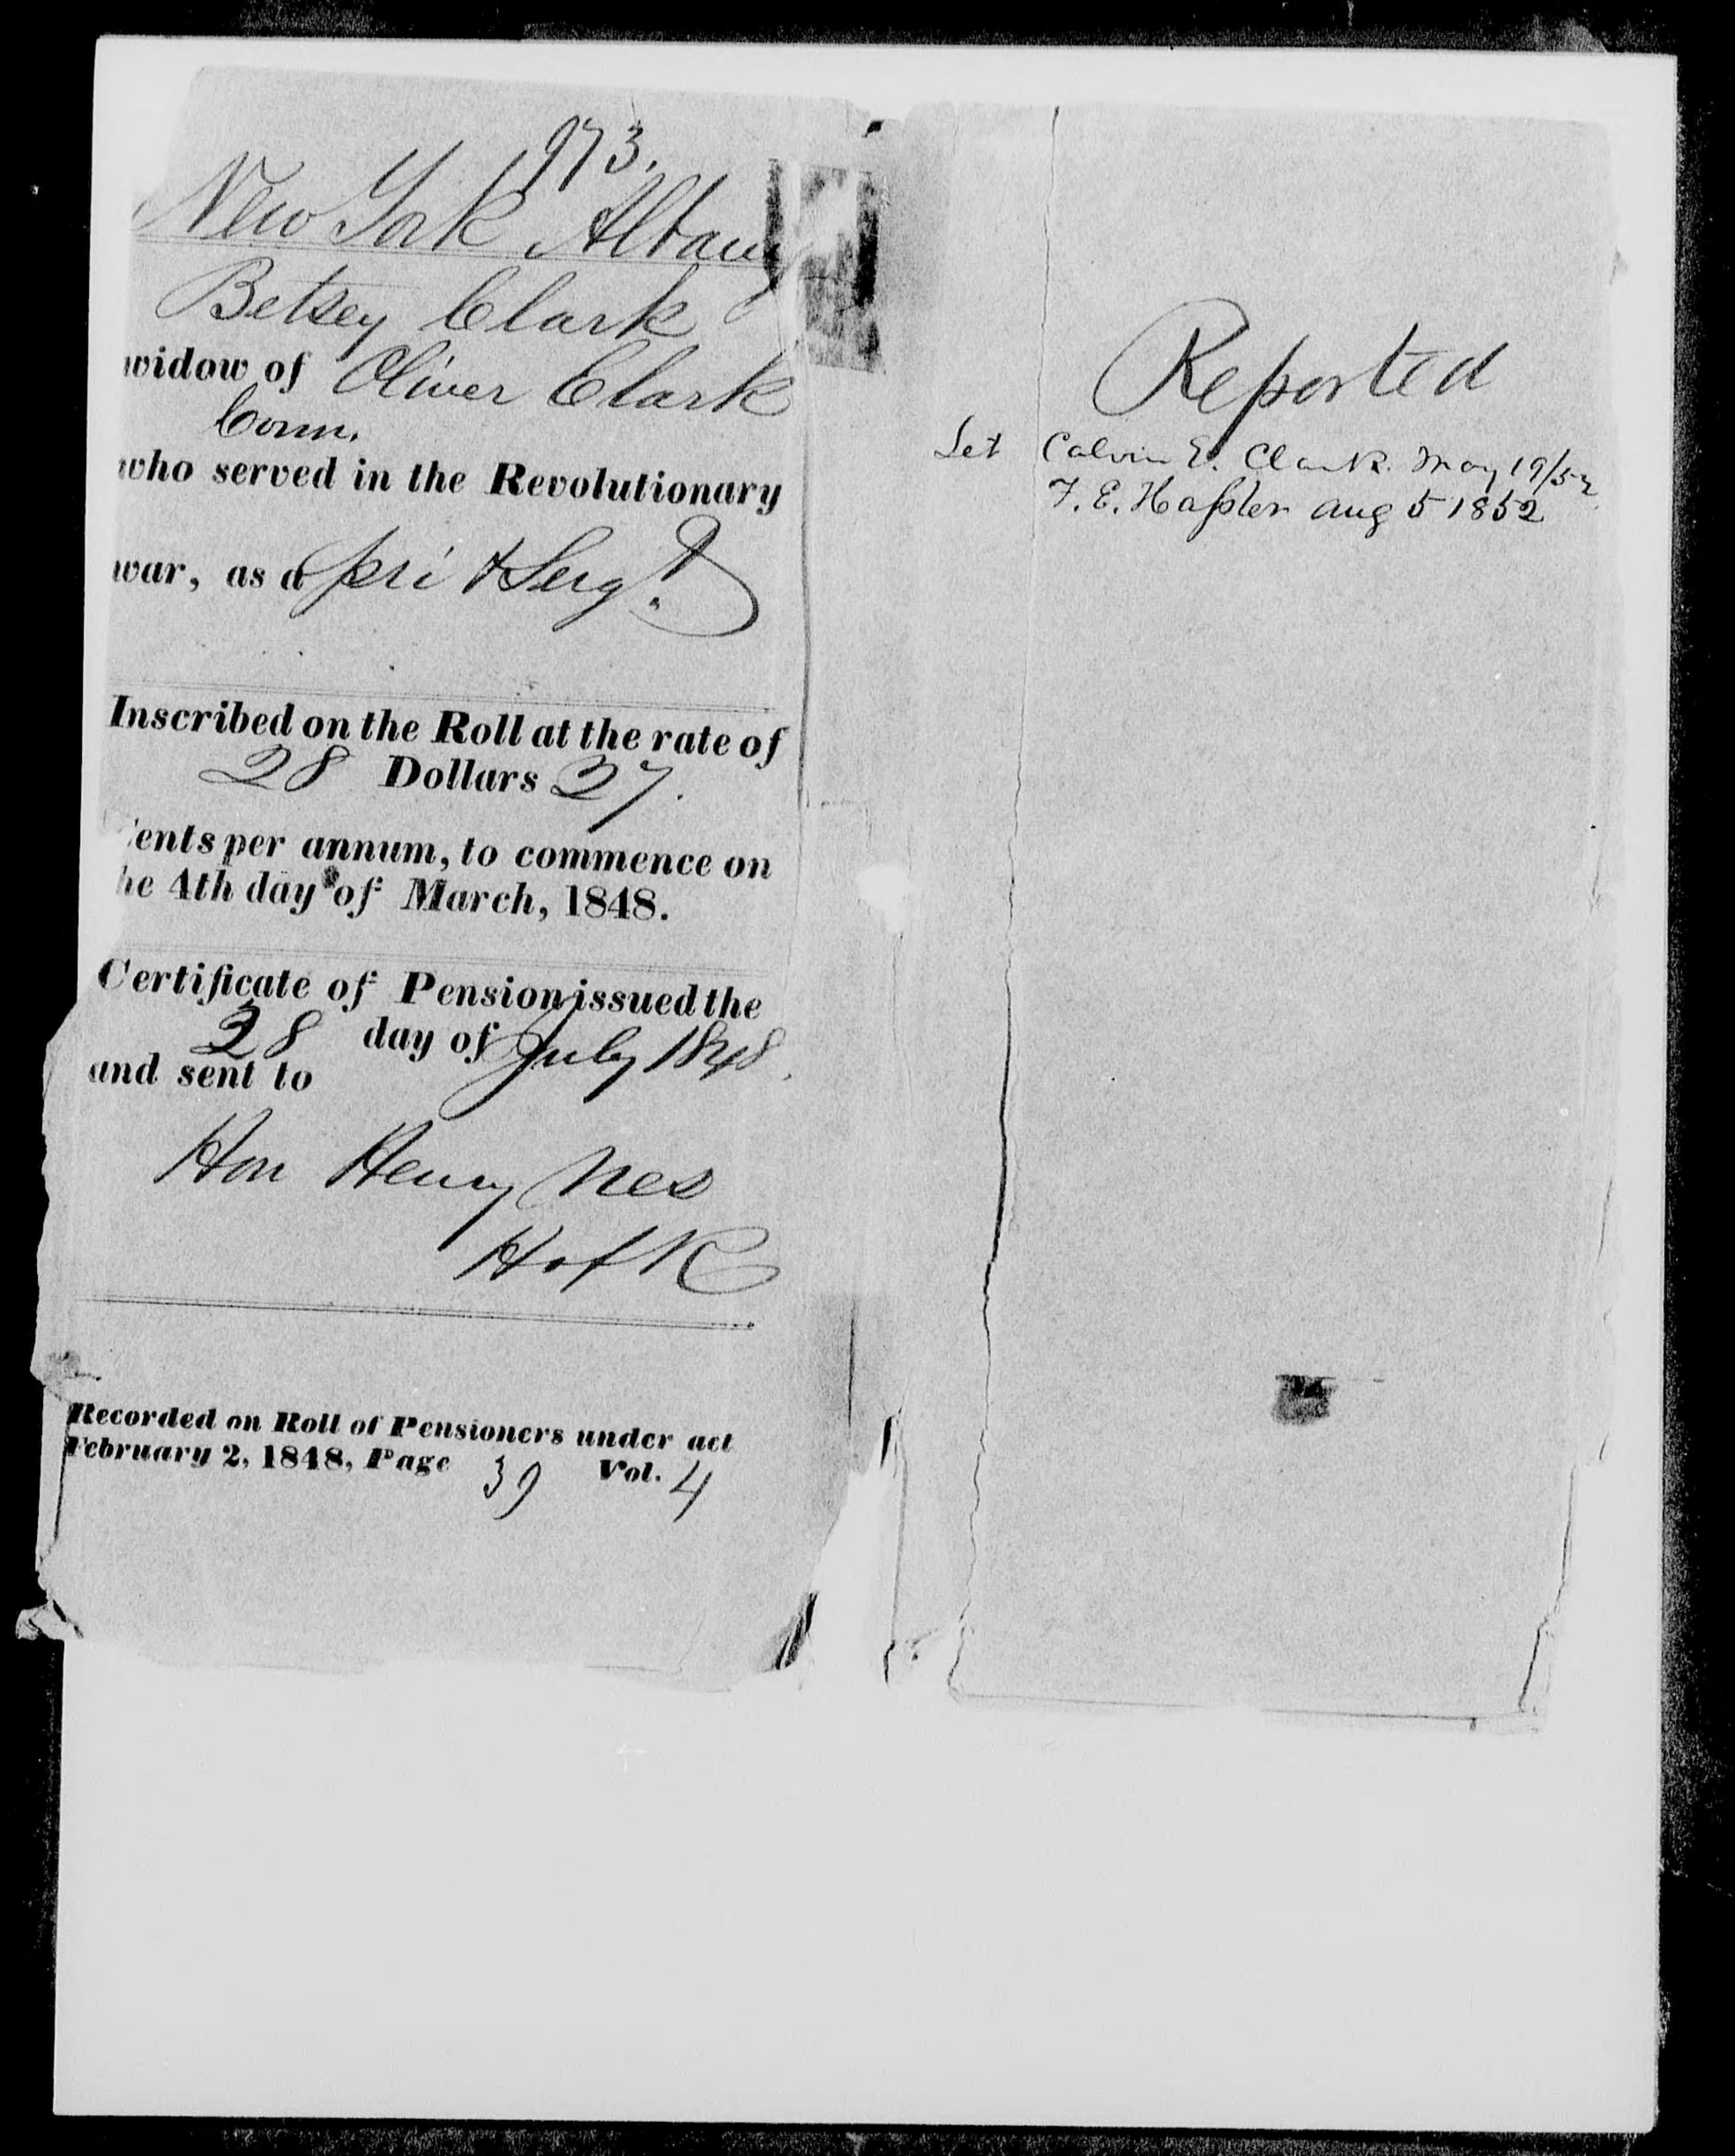[left page]
973.
New York Albany
Betsey Clark
Widow of Oliver Clark
Conn.
who served in the Revolutionary 
war, as a pri & Sergt.
Inscribed on the Roll at the rate of
28 Dollars 37
Cents per annum, to commence on 
the 4th day of March, 1848.
Certificate of Pension issued the 
28 day of July 1848
and sent to  
Hon Henry Nes
H of R
Recorded on Roll of Pensioners under act
February 2, 1848, Page 39 Vol. 4
[right page]
Reported
Let Calvin E. Clark May 19/52
F. E. Hassler Aug 5 1852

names: Oliver Clark, Betsey Clark, Calvin E Clark, Henry Nes, F E Hassler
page: 2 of 51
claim: widow's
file: W. 23816, Oliver Clark, Conn.